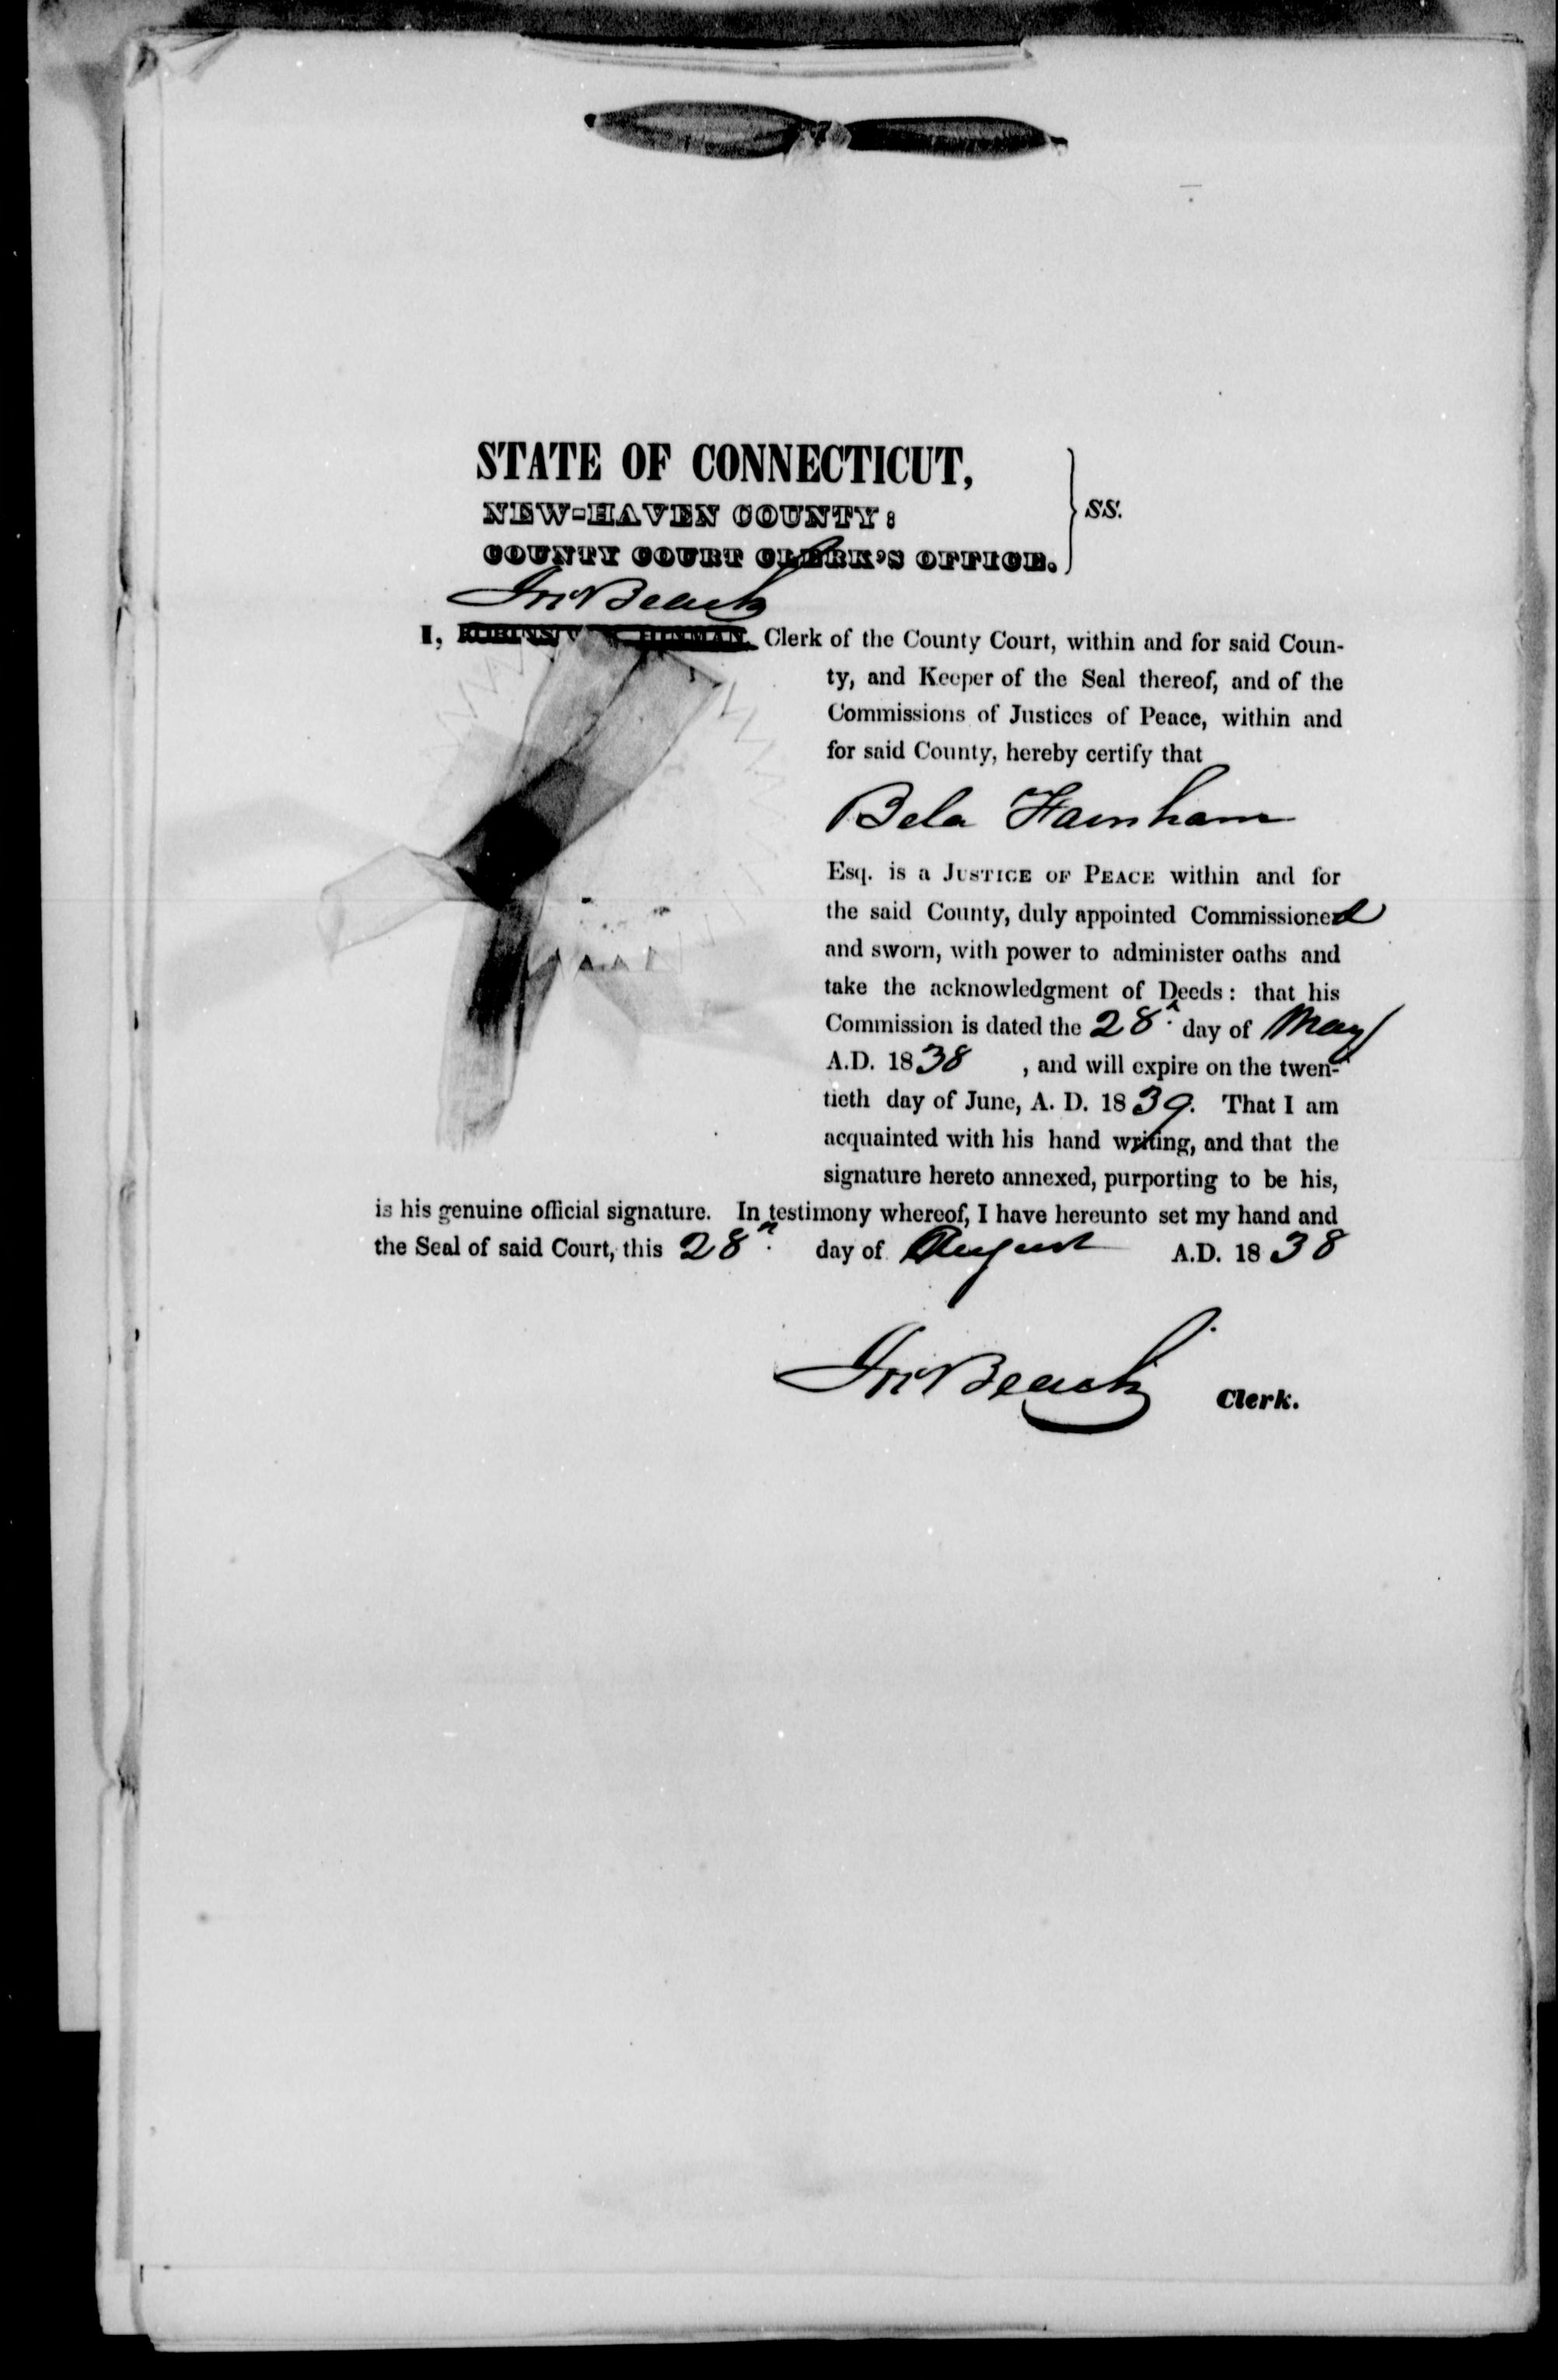STATE OF CONNECTICUT.
NEW HAVEN COUNTY
COUNTY COURT CLERK'S OFFICE
SS.
I, Jno Beach Clerk of the County Court, within and for said County, and Keeper of the Seal thereof, and of the
Commissions of Justices of Peace, within and
for said County, hereby certify that
Bela Farnham
Esq. is a JUSTICE OF PEACE within and for
the said County, duly appointed Commissioned
and sworn, with power to administer oaths and
take the acknowledgment of Deeds: that his
Commission is dated the 28 day of May
A.D. 1838, and will expire on the twentieth
day of June, A. D. 1839. That I am
acquainted with his hand writing, and that the
signature hereto annexed, purporting to be his,
is his genuine official signature. In testimony whereof, I have hereunto set my hand and
the Seal of said Court, this 28th day of August A.D. 1838
Jno Beach
Clerk.
[seal]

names: Bela Farnham; Jno Beack; Jno Beack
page: 7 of 19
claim: rejected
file: R 9792, for Benjamin Smith, Connecticut